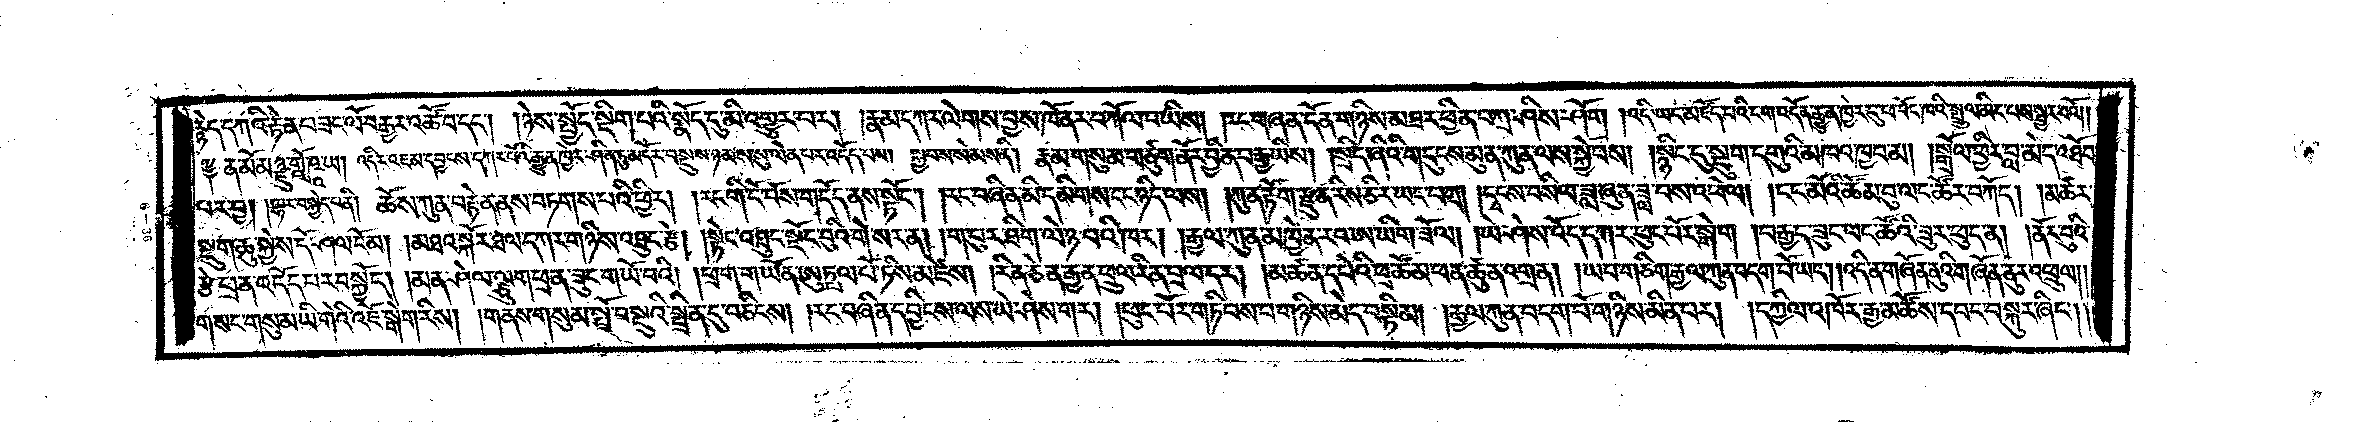རྙེད་དཀའི་རྟེན་བཟང་ལོ་བརྒྱར་འཚོ་བ་དང་། །ཉེས་སྤྱོད་སྡིག་པའི་སྣོད་དུ་མི་འགྱུར་བར། །རྣམ་དཀར་ལེགས་བྱས་ཁོ་ནར་བཀོལ་པ་ཡིས། །རང་གཞན་དོན་གཉིས་མཐར་ཕྱིན་བཀྲ་ཤིས་ཤོག །འདི་ཡང་མཛོད་པའི་ངག་འདོན་རྒྱུན་ཁྱེར་དུ་ཕ་བོང་ཁའི་སྤྲུལ་མིང་པས་སྦྱར་པའོ།།
༈ ན་མོ་མཉྫུ་གྵོ་ཥཱ་ཡ། འདིར་འཇམ་དབྱངས་དཀར་པོའི་རྒྱུན་ཁྱེར་ཤིན་ཏུ་མདོར་བསྡུས་ཉམས་སུ་ལེན་པར་འདོད་པས། སྐྱབས་སེམས་ནི། རྣམ་གསུམ་གཙུག་ནོར་བྱིན་བརྒྱ་ཡིས། །སྲིད་ཞིའི་གདུངས་མུན་ཀུན་ལས་སྐྱོབས། །སྙིང་དུ་སྡུག་དགུའི་མཁའ་ཁྱབ་མ། །སྒྲོལ་ཕྱིར་བླ་མེད་འཐོབ་
བར་བྱ། །ལྷར་བསྐྱེད་པ་ནི།  ཆོས་ཀུན་བརྟེན་ནས་བཏགས་པའི་ཕྱིར། །རང་གི་ངོ་བོས་གདོད་ནས་སྟོང་། །རང་བཞིན་མི་དམིགས་ངང་ཉིད་ལས། །ཀུན་རྟོག་རྫུན་རིས་ཅིར་ཡང་བཀྲ། །དྭངས་བསིལ་ཟླ་ཞུན་ཟླ་བས་འཕེལ། །ངང་མོའི་ཚོམ་བུ་ལང་ཚོར་བཀོད། །མཚར་
སྡུག་ཆུ་སྐྱེས་དོ་ཤལ་ངོམ། །མཐའ་སྐོར་ཐལ་དཀར་གཉིས་འཐུང་རྩེ། །སྟེང་འཐུང་སྡོང་བུའི་གེ་སར་ན། །ག་པུར་ཐིག་ལེ་ཉ་བའི་ཁར། །རྒྱལ་ཀུན་མཁྱེན་རབ་ཨ་ཡིག་ཟོལ། །ཡེ་ཤེས་འོད་དཀར་ཕུང་པོར་སྒེག །བརྒྱད་ཟུང་ལང་ཚོའི་ཟུར་ཕུད་ན། །ནོར་བུའི་
རྩེ་ཕྲན་འདོད་པར་བསྐྱོད། །མན་ཤེལ་ལྕུག་ཕྲན་ཟུང་གཡོ་བའི། །ཕྲག་གཡོན་ཨུཏྤལ་པོ་ཏིས་མཛེས། །རིན་ཅེན་རྒྱན་ཕྲུལ་རིན་བྲལ་དར། །མཚན་དཔེའི་ཕྲ་ཚོམ་ཕན་ཚུན་འགྲན། །ཡབ་གཅིག་རྒྱལ་ཀུན་བདག་པོ་ཡང་། །འདི་ན་གཞོན་ནུའི་གཞོན་ནུར་འཕྲུལ།།
གསང་གསུམ་ཡི་གེའི་འཇོ་སྒེག་རིས། །གནས་གསུམ་སྤྲོ་བསྡུའི་སྦྲིན་དུ་བཅིངས། །རང་བཞིན་དབྱིངས་ལས་ཡེ་ཤེས་གར། །ཕུང་པོར་གཏིབས་བ་གཉིས་མེད་བསྟིམ། །རྒྱལ་ཀུན་བདག་པོ་གཉིས་མིན་པར། །དཀྱིལ་འཁོར་རྒྱ་མཚོས་དབང་བསྐུར་ཞིང་། །